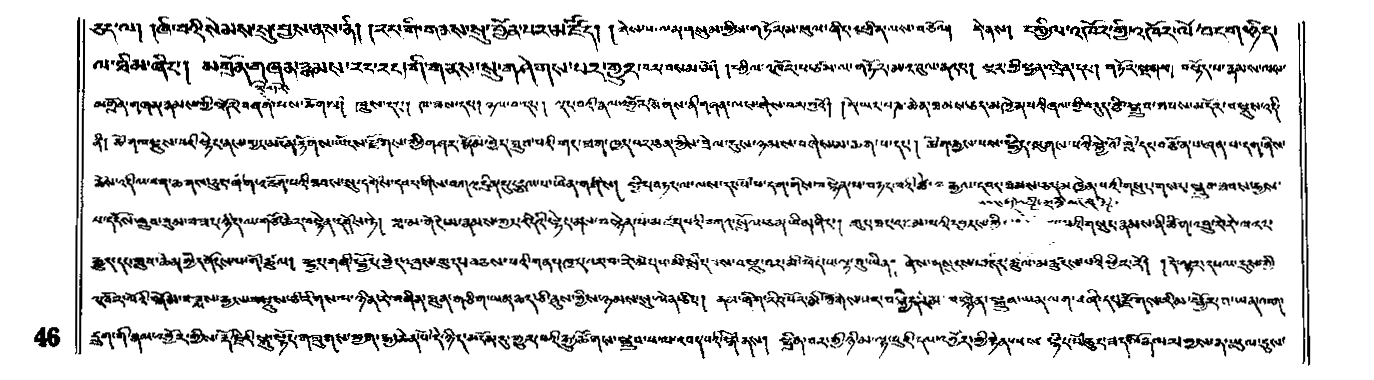ཅད་ལ། །ཞི་བའི་སེམས་སུ་བྱས་ནས་ནི། །རང་གི་གནས་སུ་བྱོན་པར་མཛོད། ། ཞེས་པ་ལན་གསུམ་གྱིས་གཏོར་མ་ཕུལ་ཞིང་འཕྲིན་ལས་བཅོལ། དེ་ནས།  དཀྱིལ་འཁོར་གྱི་འཁོར་ལོ་བདག་ཉིད་
ལ་ཐིམ་ཞིང་། མགྲོན་གཞན་རྣམས་རང་རང་གི་གནས་སུ་གཤེགས་པར་གྱུར་བར་བསམ་མོ། །དཀྱིལ་འཁོར་བ་ཙམ་ལ་གཏོར་མར་བུལ་ནའང་། སྔར་གྱི་སྤྱན་འདྲེན་དང་། གཏོར་སྔགས། བསྟོད་པ་རྣམས་ལས་
མགྲོན་གཞན་རྣམས་ཀྱི་སྐོར་བཞག་རྔོ?་འདོར་པས་ཆོག་ལ། ཁྲུས་དང་། ཁ་ཟས་དང་། ཉལ་བ་དང་། ལྡང་བའི་རྣལ་འབྱོར་སོགས་ནི་གཞན་ལས་ཤེས་པར་བྱའོ། །དེ་ཡང་པཎ་ཆེན་ཐམས་ཅད་མཁྱེན་པའི་ཞལ་གྱི་བདུད་རྩི་སྒྲུབ་ཐབས་མདོར་བསྡུས་འདི་
ནི། ཆོག་བསྡུས་པའི་སྟེང་ནས་བརྒྱད་མངོན་རྙོགས་ཡོངས་རྫོགས་ཀྱི་གཤར་སྒོམ་བྱེད་ཐུབ་པའི་གང་ཟག་ཁྱད་པར་ཅན་ཀྱིས་བྲེལ་དུས་ཉམས་བཞེས་མ་ཆག་པ་དང་། ཆོ་ག་རྒྱས་པས་སྒྱིད་ཁུགས་པའི་སྐྱེ་བོ་ཟློ་དང་བརྩོན་པ་ཞན་པ་དག་གིས་
ཆོས་འདི་ལ་བག་ཆགས་ཅུང་ཞིག་འཇོག་པའི་ཐབས་སུ་དགོས་དབང་གིས་བཀའ་དྲིན་དུ་སྩལ་བ་ཡིན་གཤིས། སྤྱིད་བཏང་ལ་ལས་དང་བོ་པ་དག་གིས་བསྙེན་པ་བཟང་བའི་ཚེ་༧་རྒྱལ་དབང་ཐམས་ཅད་མཁྱེན་པའི་གསུང་གསང་སྒྲུབ་ཐབས་རྒྱས་
པ་དངོས་གྲུབ་བུམ་བཟང་ཉིད་ལ་གཙོ་ཆེར་བསྙེན་དགོས་ཏེ། བླ་མ་གོང་མ་རྣམས་ཀྱང་འདིའི་སྟེང་ནས་བསྙེན་པ་མཛད་པའི་བཀའ་སྲོལ་ཅན་ཡིན་ཞིང་། གུང་ཐང་འཇམ་པའི་དབྱངས་ཀྱི་བསངས་བདེ་ལྔ་ཕྱི?་མདོ?་སྔ་?་པའི་གསུང་རྣམས་ནི་ཚིག་འབྲུ་རེ་རེ་ལའང་
རྒྱུད་དང་གྲུབ་ཆེན་གྱི་དགོངས་པ་གོ་ཚུལ། སྦྱང་གཞི་སྦྱོང་བྱེད་འབྲངས་བུ་དང་བཅས་པའི་གནད་ཁྱད་པར་བ་རེ་མེད་པ་མི་སྲིད་པས་བསྡུ་བར་མི་ཕོད་པ་ལྟ་བུ་ཡིན། ཞེས་གསུངས་པ་འདིར་ཚུལ་མཚུངས་པའི་ཕྱིར་རོ། །དེ་ལྟར་དཔལ་དུས་ཀྱི་
འཁོར་ལོའི་སྒོམ་བཟླས་རྒྱས་བསྡུས་ཅི་རིགས་པ་ཉིན་རེ་བཞིན་ཐུན་གཅིག་ཡན་ཆད་ཅི་ནུས་ཀྱིས་ཉམས་སུ་ལེན་ཅིང་། ནམ་ཞིག་རིང་བོར་མི་ཐོགས་པར་བསྐྱེད་རིམ་བསྙེན་སྒྲུབ་ཡན་ལག་བཞི་དང་རྫོགས་རིམ་སྦྱོར་བ་ཡན་ལག་
དྲུག་གི་རྣལ་འབྱོར་གྱིས་རྡོ་རྗེའི་སྐུ་སྟོང་གཟུགས་ཕྱག་རྒྱ་ཆེན་པོ་དེ་ཉིད་མངོན་དུ་གྱུར་པའི་རྒྱུ་ཚོགས་སྒྲུབ་པ་ལ་འབད་པའི་སྒོ་ནས། སྤྲིན་པར་གྱི་ཉི་མ་ལྟ་བུའི་དལ་འབྱོར་གྱི་རྟེན་ལས་སྙིང་བོ་ཅུང་ཟད་ལོན་ལས་བྱས་ན་ཡུལ་དུས